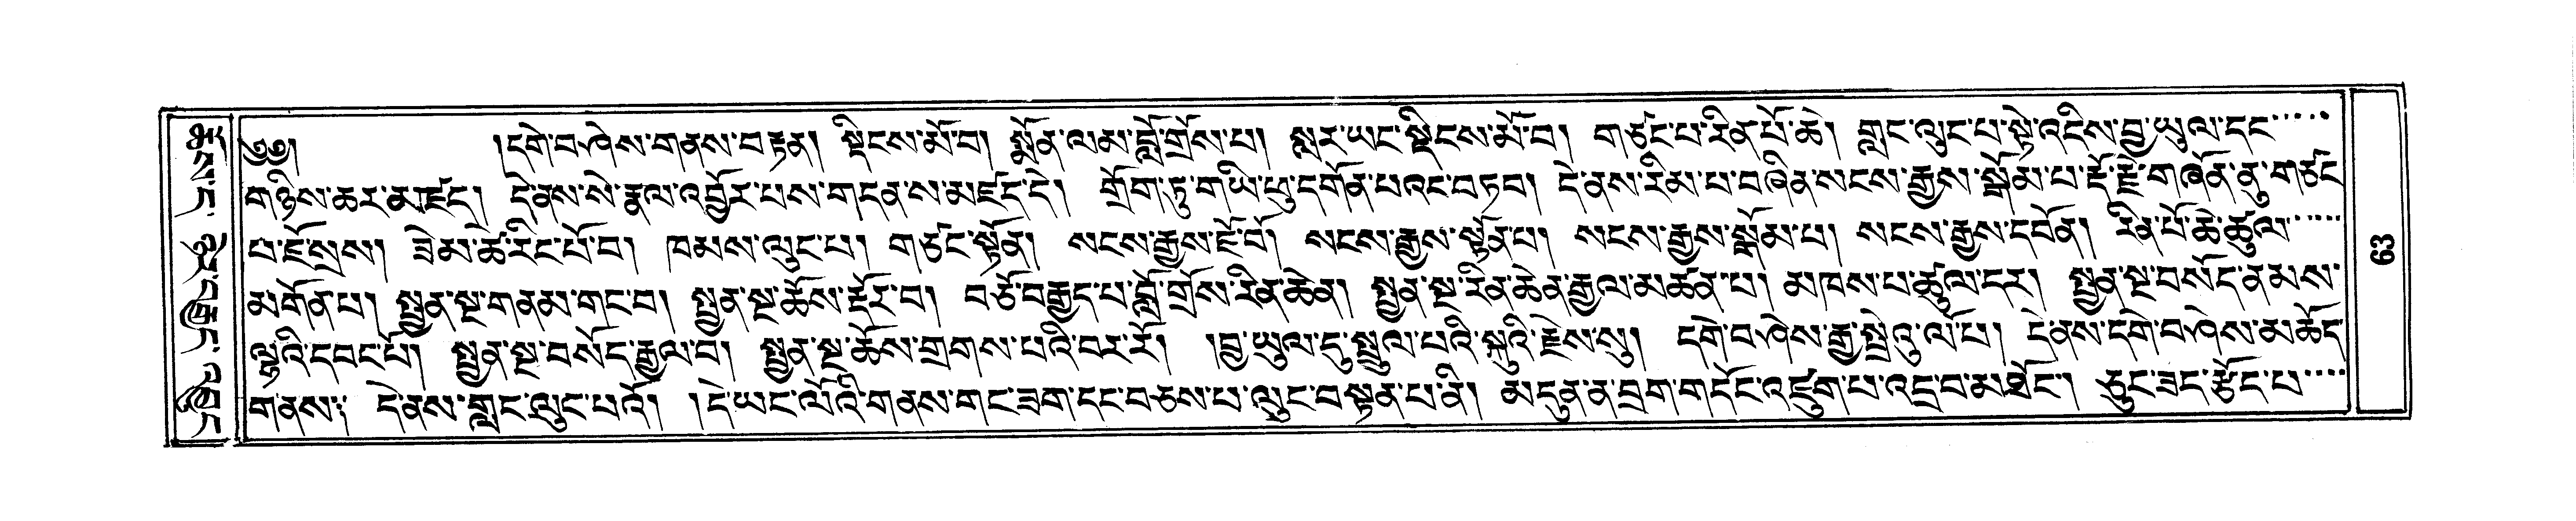༄༅། །དགེ་བཤེས་གནས་བརྟན། སྡིངས་མོ་བ། སྨོན་ལམ་བློ་གྲོས་པ། སླར་ཡང་སྡིངས་མོ་བ། གཙང་པ་རིན་པོ་ཆེ། གླང་ལུང་པ་སྟེ་འདིས་བྱ་ཡུལ་དང་
གཉིས་ཆར་མཛད། དེ་ནས་སེ་རྣལ་འབྱོར་པས་གདན་ས་མཛད་དེ། གྲོག་ཏུ་གཡི་ཕུ་དགོན་པའང་བཏབ། དེ་ནས་རིམ་པ་བཞིན་སངས་རྒྱས་སྒོམ་པ་རྡོ་རྗེ་གཞོན་ནུ་གཙང་
པ་ཇོ་སྲས། ཟེམ་ཚེ་རིང་པོ་བ། ཁམས་ལུང་པ། གཙང་སྟོན། སངས་རྒྱས་ཇོ་བོ། སངས་རྒྱས་སྟོན་པ། སངས་རྒྱས་སྒོམ་པ། སངས་རྒྱས་དབོན། རིན་པོ་ཆེ་ཚུལ་
མགོན་པ། སྤྱན་སྔ་གནམ་གང་བ། སྤྱན་སྔ་ཆོས་རྡོར་བ། བཅོ་བརྒྱད་པ་བློ་གྲོས་རིན་ཆེན། སྤྱན་སྔ་རིན་ཆེན་རྒྱལ་མཚན་པ། མཁས་པ་ཚུལ་དར། སྤྱན་སྔ་བསོད་ནམས་
ལྷའི་དབང་པོ། སྤྱན་སྔ་བསོད་རྒྱལ་བ། སྤྱན་སྔ་ཆོས་གྲགས་པའི་བར་རོ། །བྱ་ཡུལ་དུ་སྤྲུལ་པའི་སྐུའི་རྗེས་སུ། དགེ་བཤེས་རྒྱ་སྤྲེའུ་ལོ་པ། དེ་ནས་དགེ་བཤེས་མཆོད་
གནས༑ དེ་ནས་གླང་ལུང་པའོ། །དེ་ཡང་ལོའི་གནས་གང་ཟག་དང་བཅས་པ་ལུང་བསྟན་པ་ནི། མདུན་ན་བྲག་གདོང་འཛུག་པ་འདྲ་བ་མཐོང་། ཅུང་ཟད་རྩོད་པ་